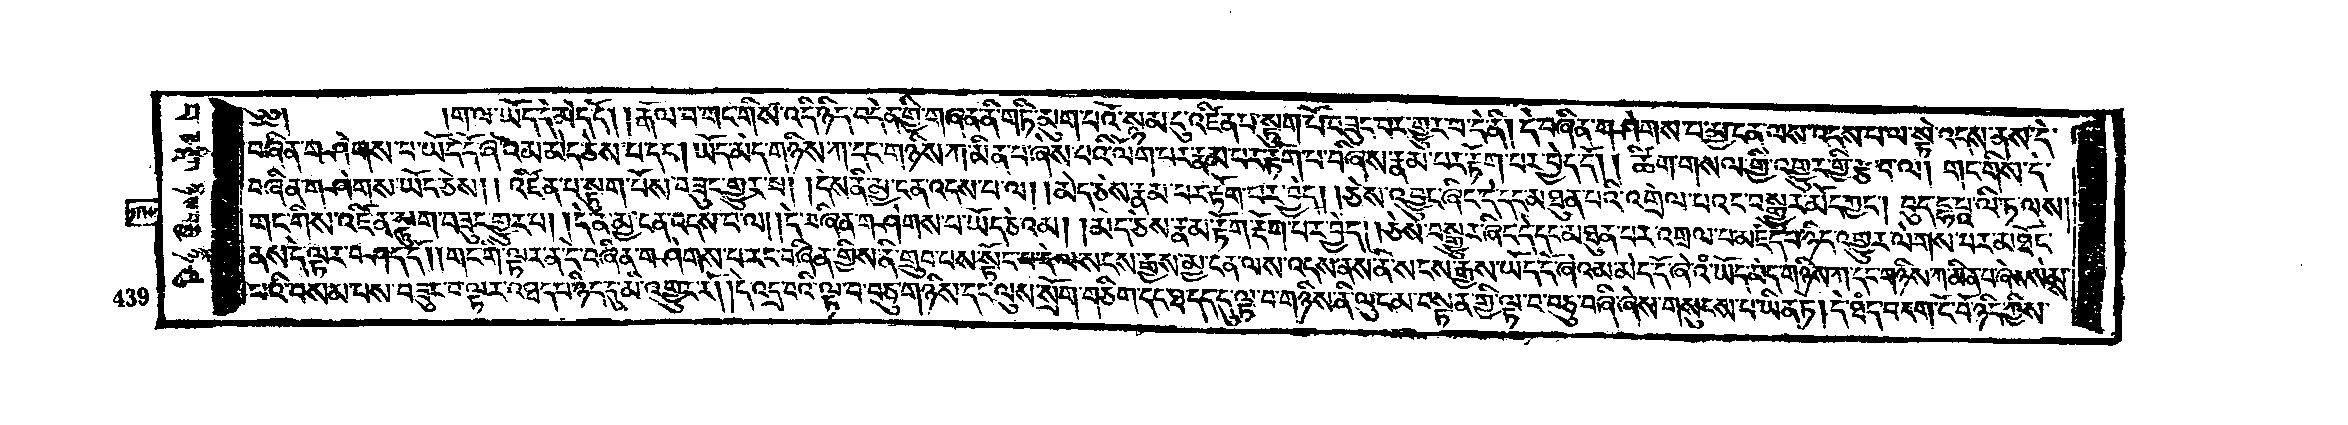༄༅། །ག་ལ་ཡོད་དེ་མེད་དེ། །རྒོལ་བ་གང་གིས་འདི་ཉིད་བདེན་གྱི་གཞན་ནི་གཏི་མུག་པའོ་སྙམ་དུ་འཛིན་པ་སྡུག་པོ་བཟུང་བར་གྱུར་བ་དེ་ནི། དེ་བཞིན་གཤེགས་པ་མྱ་ངན་ལས་འདས་པ་ལ་སྟེ་འདས་ནས་དེ་
བཞིན་གཤེགས་པ་ཡོད་དོ་ཞེའམ་མེད་ཅེས་པ་དང་། ཡོད་མེད་གཉིས་ཀ་དང་གཉིས་ཀ་མིན་པ་ཞེས་པའི་ལོག་པར་རྣམ་པར་རྟོག་པ་བཞིས་རྣམ་པར་རྟོག་པར་བྱེད་དོ། །ཚིག་གསལ་གྱི་འགྱུར་གྱི་རྩ་བ་ལ། གང་གིས་དེ་
བཞིན་གཤེགས་ཡོད་ཅེས། །འཛིན་པ་སྡུག་པོས་བཟུང་གྱུར་པ། །དེས་ནི་མྱ་ངན་འདས་པ་ལ། །མེད་ཅེས་རྣམ་པར་རྟོག་པར་བྱེད། །ཅེས་འབྱུང་ཞིང་དེ་དང་མཐུན་པའི་འགྲེལ་པའང་བསྒྱུར་མོད་ཀྱང་། བུད་དྷ་པཱ་ལི་ཏ་ལས།
གང་གིས་འཛིན་སྟག་བཟུང་གྱུར་པ། །དེ་ནི་མྱ་ངན་འདས་པ་ལ། །དེ་བཞིན་གཤེགས་པ་ཡོད་ཅེའམ། །མེད་ཅེས་རྣམ་རྟོག་རྟོག་པར་བྱེད། །ཅེས་བསྒྱུར་ཞིང་དེ་དང་མཐུན་པར་འགྲལ་བ་མཛད་པ་ཉིད་འགྱུར་ལེགས་པར་མཐོང་
ནས་དེ་ལྟར་བཤད་དོ། །གང་གི་ལྟར་ན་དེ་བཞིན་གཤེགས་པ་རང་ཞིན་གྱིས་ནི་གྲུབ་པ་སྟོང་པ་དེ་ལ་སངས་རྒྱས་མྱ་ངན་ལས་འདས་ནས་ནི་སངས་རྒྱས་ཡོད་དོ་ཞེའམ་མེད་དོ་ཞེའཾ་ཡོད་མེད་གཉིས་ཀ་དང་གཉིས་ཀ་མིན་པ་ཤེས་སེམས་
པའི་བསམ་པས་བཟུང་བ་ལྟར་འཐད་པ་ཉིད་དུ་མི་འགྱུར་རོ། །ད་འདྲ་བའི་ལྟ་བ་བཅུ་གཉིས་དང་ལུས་སྲོག་གཅིག་དང་ཐ་དད་དུ་ལྟ་བ་གཉིས་ནི་ལུང་མ་བསྟན་གྱི་ལྟ་བ་བཅུ་བཞི་ཞེས་གསུངས་པ་ཡིན་ཏེ། དེ་ཐཾད་བདག་ངོ་བོ་ཉིད་ཀྱིས་